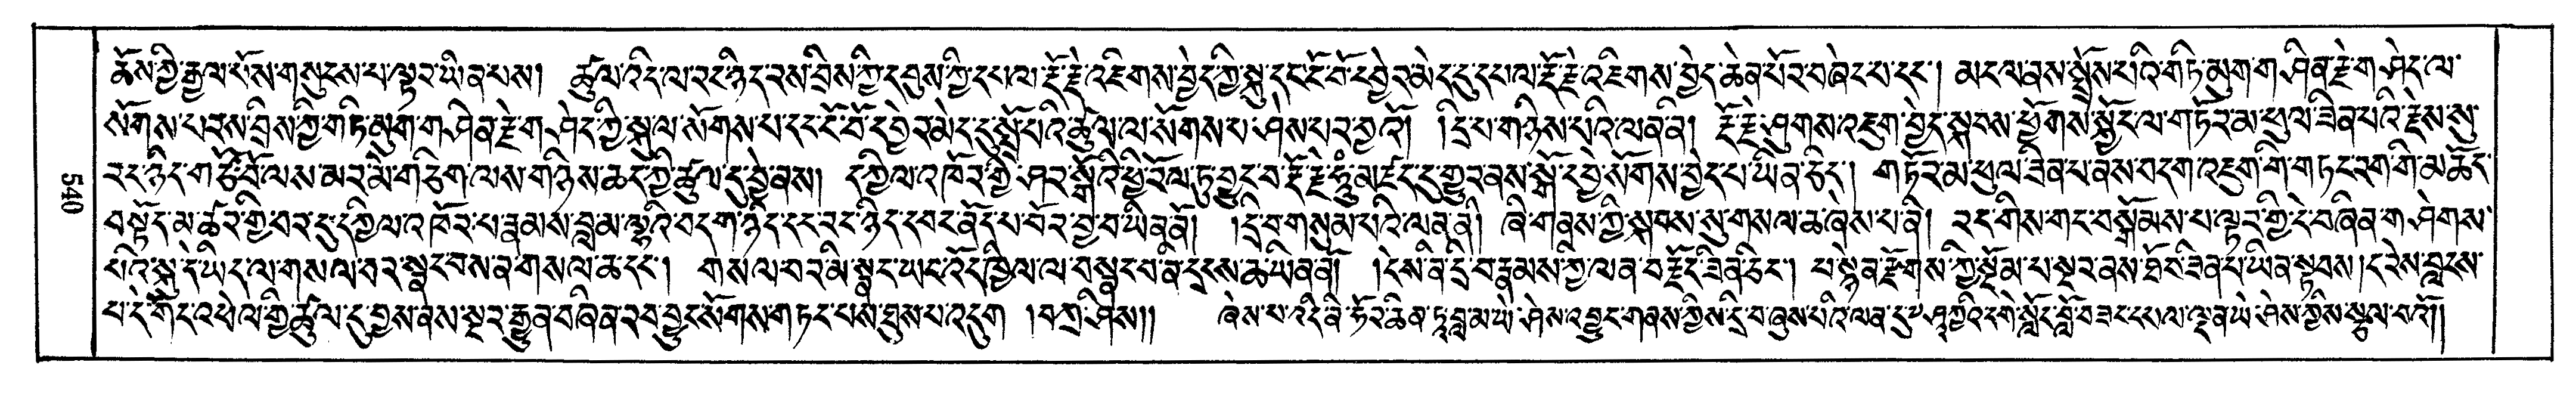ཆོས་ཀྱི་རྒྱལ་པོས་གསུངས་པ་ལྟར་ཡིན་པས། ཚུལ་འདི་ལ་རང་ཉིད་རས་བྲིས་ཀྱི་དབུས་ཀྱི་དཔལ་རྡོ་རྗེ་འཇིགས་བྱེད་ཀྱི་སྐུ་དང་ངོ་བོ་དབྱེར་མེད་དུ་དཔལ་རྡོ་རྗེ་འཇིགས་བྱེད་ཆེན་པོར་བཞེང་བ་དང་། མངལ་ནས་སྤྲོས་པའི་གཏི་མུག་གཤིན་རྗེ་གཤེད་ལ་
སོགས་པ་རས་བྲིས་ཀྱི་གཏི་མུག་གཤིན་རྗེ་གཤེད་ཀྱི་སྐུ་ལ་སོགས་པ་དང་ངོ་བོ་དབྱེར་མེད་དུ་སྤྲོ་བའི་ཚུལ་ལ་སོགས་པ་ཤེས་པར་བྱའོ། །དྲི་བ་གཉིས་པའི་ལན་ནི། རྡོ་རྗེ་ཤུགས་འཇུག་བྱེད་སྐབས་ཕྱོགས་སྐྱོང་ལ་གཏོར་མ་ཕུལ་ཟིན་པའི་རྗེས་སུ་
རང་ཉིད་གཙོ་བོ་ལས་མར་མེ་གཅིག་ལས་གཉིས་ཆད་ཀྱི་ཚུལ་དུ་བྱེ་ནས། དཀྱིལ་འཁོར་གྱི་ཤར་སྒོའི་ཕྱི་རོལ་ཏུ་བྱུང་བ་རྡོ་རྗེ་ཧཱུཾ་མཛད་དུ་གྱུར་ནས་སྒོ་དབྱེ་སོགས་བྱེད་པ་ཡིན་ཅིང་། གཏོར་མ་ཕུལ་ཟིན་པ་ནས་བདག་འཇུག་གི་གཏང་རག་གི་མཆོད་
བསྟོད་མ་ཚར་གྱི་བར་དུ་དཀྱིལ་འཁོར་པ་རྣམས་བླ་མ་ལྷའི་བདག་ཉིད་དང་རང་ཉིད་དབང་ནོད་པ་པོར་བྱ་བ་ཡིན་ནོ། །དྲི་བ་གསུམ་པའི་ལན་ནི། ཞི་གནས་ཀྱི་སྐབས་སུ་གསལ་ཆ་ཞེས་པ་ནི། རང་གིས་གང་བསྒོམས་པ་ལྟར་གྱི་དེ་བཞིན་གཤེགས་
པའི་སྐུ་དེ་ཡིད་ལ་གསལ་བར་སྣང་བས་ན་གསལ་ཆ་དང་། གསལ་བར་མི་སྣང་ཡང་འོད་ཁྱིལ་ལ་བ་སྣང་བ་ནི་དྭངས་ཆ་ཡིན་ནོ། །དེས་ནི་དྲི་བ་རྣམས་ཀྱི་ལན་བརྗོད་ཟིན་ཅིང་། བསྙེན་རྫོགས་ཀྱི་སྡོམ་པ་སྔར་ནས་ཐོབ་ཟིན་པ་ཡིན་སྟབས། ད་རེས་བླངས་
པ་དེ་གོང་འཕེལ་གྱི་ཚུལ་དུ་བྱས་ནས་སྔར་རྒྱུན་བཞིན་རབ་བྱུང་སོགས་གཏང་བས་ཐུས་པ་འདུག །བཀྲ་ཤིས།། ཞེས་པ་འདི་ནི་ཁོར་ཆིན་ཏཱ་བླ་མ་ཡེ་ཤེས་འབྱུང་གནས་ཀྱིས་དྲི་བ་ཞུས་པའི་ལན་དུ་༧་ཤཱཀྱའི་དགེ་སློང་བློ་བཟང་དཔལ་ལྡན་ཡེ་ཤེས་ཀྱིས་སྩལ་བའོ།།